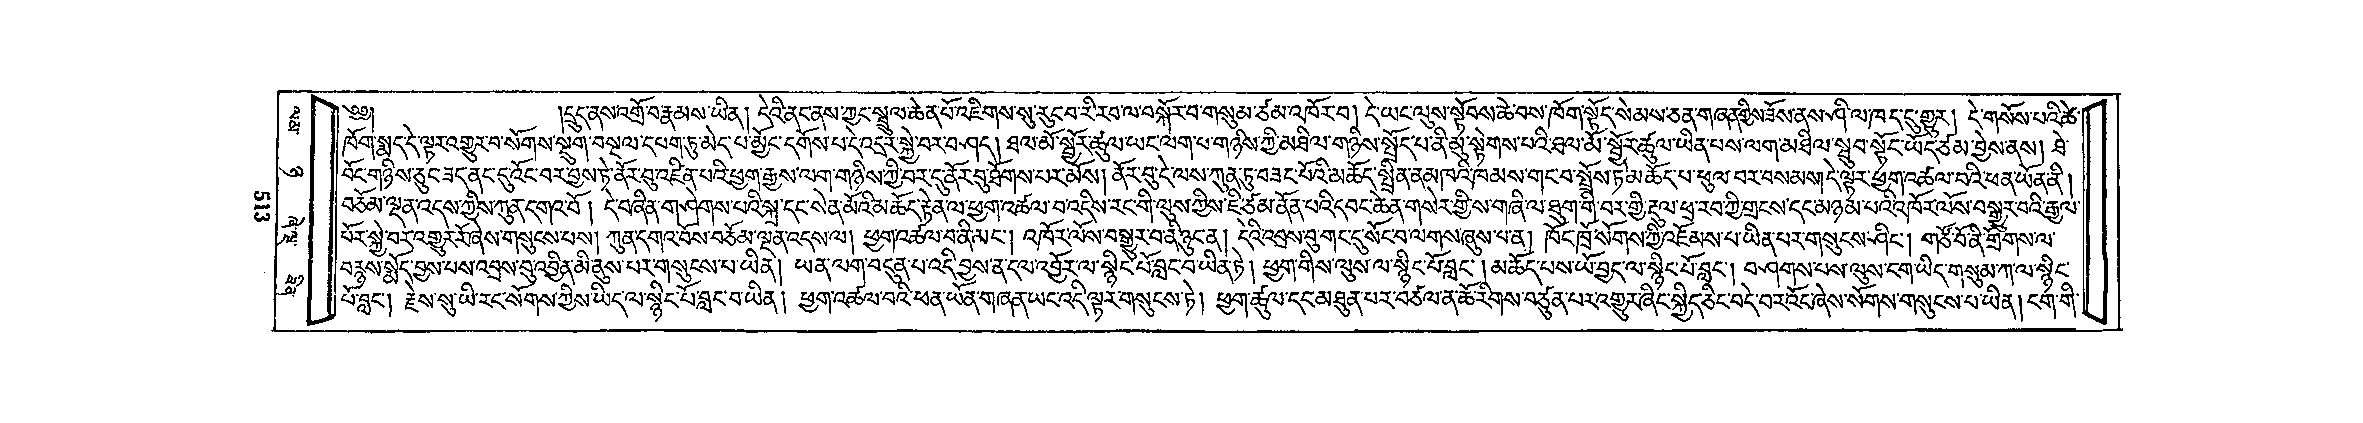༄༅། །དྲུད་ནས་འགྲོ་བ་རྣམས་ཡིན། དེའི་ནང་ནས་ཀྱང་སྦྲུལ་ཆེན་པོ་འཇིགས་སུ་རུང་བ་རི་རབ་ལ་བསྐོར་བ་གསུམ་ཙམ་འཁོར་བ། དེ་ཡང་ལུས་སྟོབས་ཆེ་བས་ཁོག་སྟོད་སེམས་ཅན་གཞན་གྱིས་ཟོས་ནས་ཤི་ལ་ཁད་དུ་གྱུར། དེ་གསོས་པའི་ཚེ་
ཁོག་སྨད་དེ་ལྟར་འགྱུར་བ་སོགས་སྡུག་བསྔལ་དཔག་ཏུ་མེད་པ་མྱོང་དགོས་པ་དེ་འདྲར་སྐྱེ་བར་བཤད། ཐལ་མོ་སྦྱོར་ཚུལ་ཡང་ལག་པ་གཉིས་ཀྱི་མཐིལ་གཉིས་སྤྲོད་པ་ནི་མུ་སྟེགས་པའི་ཐལ་མོ་སྦྱོར་ཚུལ་ཡིན་པས་ལག་མཐིལ་སྦུབ་སྟོང་ཡོད་ཙམ་བྱེས་ནས། ཐེ་
བོང་གཉིས་ཅུང་ཟད་ནང་དུ་འོང་བར་བྱས་ཏེ་ནོར་བུ་འཛིན་པའི་ཕྱག་རྒྱས་ལག་གཉིས་ཀྱི་བར་དུ་ནོར་བུ་ཐོགས་པར་མོས། ནོར་བུ་དེ་ལས་ཀུན་ཏུ་བཟང་པོའི་མཆོད་སྤྲིན་ནམ་མཁའི་ཁམས་གང་བ་སྤྲོས་ཏེ་མཆོད་པ་ཕུལ་བར་བསམས། དེ་ལྟར་ཕྱག་འཚལ་བའི་ཕན་ཡོན་ནི།
བཅོམ་ལྡན་འདས་ཀྱིས་ཀུན་དགའ་བོ། དེ་བཞིན་གཤེགས་པའི་སྐྲ་དང་སེན་མོའི་མཆོད་རྟེན་ལ་ཕྱག་འཚལ་བ་འདིས་རང་གི་ལུས་ཀྱིས་ཇི་ཙམ་ནོན་པའི་དབང་ཆེན་གསེར་གྱི་ས་གཞི་ལ་ཐུག་གི་བར་གྱི་རྡུལ་ཕྲ་རབ་ཀྱི་གྲངས་དང་མཉམ་པའི་འཁོར་ལོས་བསྒྱུར་བའི་རྒྱལ་
པོར་སྐྱེ་བར་འགྱུར་རོ་ཞེས་གསུངས་པས། ཀུན་དགའ་བོས་བཅོམ་ལྡན་འདས་ལ། ཕྱག་འཚལ་བ་ནི་མང་། འཁོར་ལོས་བསྒྱུར་བ་ནི་ཉུང་ན། དེའི་འབྲས་བུ་གང་དུ་སོང་བ་ལགས་ཞུས་པ་ན། ཁོང་ཁྲོ་སོགས་ཀྱི་འཇོམས་པ་ཡིན་པར་གསུངས་ཤིང་། གཙོ་བོ་ནི་གྲོགས་ལ་
བརྙས་སྨོད་བྱས་པས་འབྲས་བུ་འབྱིན་མི་ནུས་པར་གསུངས་པ་ཡིན། ཡན་ལག་བདུན་པ་འདི་བྱས་ན་དལ་འབྱོར་ལ་སྙིང་པོ་བླང་བ་ཡིན་ཏེ། ཕྱག་གིས་ལུས་ལ་སྙིང་པོ་བླང་། མཆོད་པས་ཡོ་བྱད་ལ་སྙིང་པོ་བླང་། བཤགས་པས་ལུས་ངག་ཡིད་གསུམ་ཀ་ལ་སྙིང་
པོ་བླང་། རྗེས་སུ་ཡི་རང་སོགས་ཀྱིས་ཡིད་ལ་སྙིང་པོ་བླང་བ་ཡིན། ཕྱག་འཚལ་བའི་ཕན་ཡོན་གཞན་ཡང་འདི་ལྟར་གསུངས་ཏེ། ཕྱག་ཚུལ་དང་མཐུན་པར་བཙལ་ན་ཆོ་རིགས་བཙུན་པར་འགྱུར་ཞིང་སྐྱིད་ཅིང་བདེ་བར་འོང་ཞེས་སོགས་གསུངས་པ་ཡིན། ངག་གི་